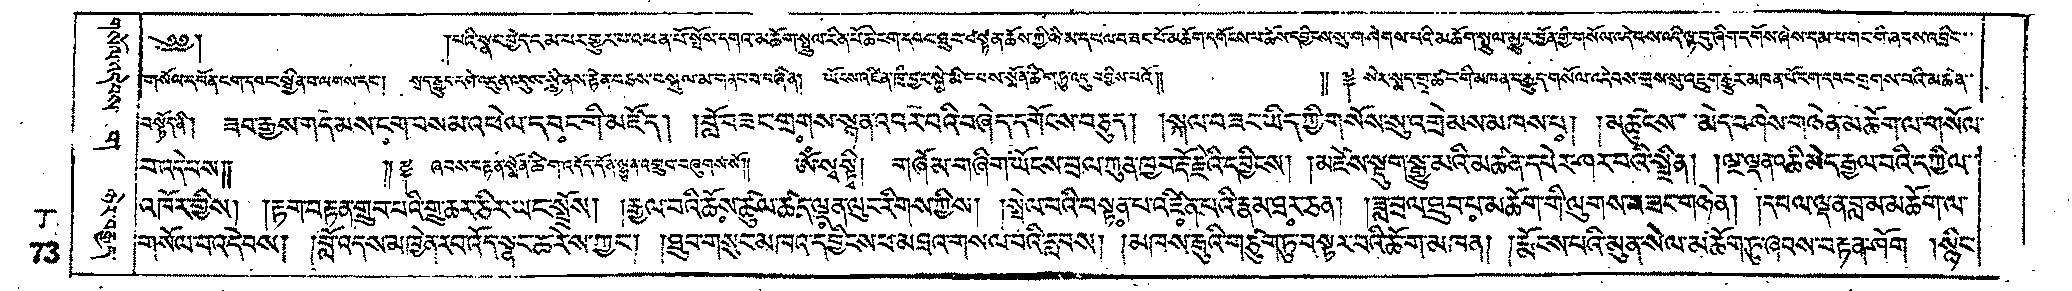༄༅། །པའི་སྣང་བྱེད་དམ་པར་གྱུར་པ་འཕན་པོ་སྤོས་དགའ་མཆོག་སྤྲུལ་རིན་པོ་ཆེ་ངག་དབང་ཐུབ་བསྟན་ཆོས་ཀྱི་ཉི་མ་དཔལ་བཟང་པོ་མཆོག་དགོངས་པ་ཆོས་དབྱིངས་སུ་གཤེགས་པའི་མཆོག་སྤྲུལ་མྱུར་བྱོན་གྱི་གསོལ་འདེབས་འདི་ལྟ་བུ་ཞིག་དགོས་ཞེས་དམ་པ་གང་གི་ཞབས་འབྲིང་་་
གསོལ་དཔོན་ངག་དབང་སྦྱིན་པ་ལགས་དང་། སྲད་རྒྱུད་དགེ་འདུན་འདུས་སྤྱི་ནས་རྟེན་བཅས་བསྐུལ་མ་གནང་བ་བཞིན། ཡོངས་འཛིན་ཁྲི་བྱང་སྐྱེ་མིང་པས་སྨོན་ཚིག་ཏུ་འདུ་བགྱིས་པའོ།། །།འྶེར་སྨད་གྲྭ་ཚང་གི་མཁན་བརྒྱུད་གསོལ་འདེབས་གྲས་སུ་འཇུག་རྒྱུར་མཁན་པོ་ངག་དབང་གྲགས་པའི་མཚན་་་
བསྟོད་ནི། ཟབ་རྒྱས་གདམས་ངག྾་བསམ་འཕེལ་དབང྾་གི་མཛོད། །བློ་བཟང་གྲགས྾་སྙན་འབར་བའི་བཞེད་དགོངས་བཅུད། །སྐལ་བཟང་ཡིད་ཀྱི་གསོས་སུ་འགྲེམས་མཁས་པ྾། །མཚུངྶ་་་མེད་བཤེས་གཉེན་མཆོག་ལ་གསོལ་
བ་འདེབས།། །།འཞབས་བརྟན་སྨོན་ཚིག་འདོད་དོན་ལྷུན་འགྲུབ་བཞུགས་སོ།།  ཨོཾ་སྭསྟྭི། གཞོམ་གཞིག་ཡོངས་བྲལ་ཀུན་ཁྱབ་རྡོ་རྗེའི་དབྱིངས། །མཛེས་སྡུག་སྒྱུ་མའི་མཚན་དཔེར་ཤར་བའི་སྤྲིན། །ལྔ་ལྡན་འཆི་མེད་རྒྱལ་བའི་དཀྱིལ་
འཁོར་གྱིས། །རྟག་བརྟན་གྲུབ་པའི་གྲུ་ཆར་ཅིར་ཡང་སྤྲོས། །རྒྱལ་བའི་ཆོས྾་ཚུལ་ཚད་ལྡན྾་ལུང་རིགས་ཀྱིས། །སྤེལ་བའི་བསྟན྾་པ་འཛིན྾་པའི་རྣམ་ཐར྾་ཅན། །ཟླ་བྲལ་ཐུག་པ྾་མཆོག་གི་ལུགས་བཟང་གཉེན། །དཔལ་ལྡན་བླ་མ་མཆོག་ལ་
གསོལ་བ་འདེབས། །བློ་འདས་མཁྱེན་རབ་འོད་སྣང་ཆ་རེས་ཀྱང་། །ཐུག་གསུང་མཁའ་དབྱིངས་ཕ་མཐའ་གསལ་བའི་རླབས། །མཁས་རྒུའི་གཙུག་ཏུ་བསྟར་བའི་ཆོ་ག་མཁན། །རྨོངས་པའི་མུན་སེལ་མཆོག་ཏུ་ཞབས་བརྟན་ཤོག །སྙིང་